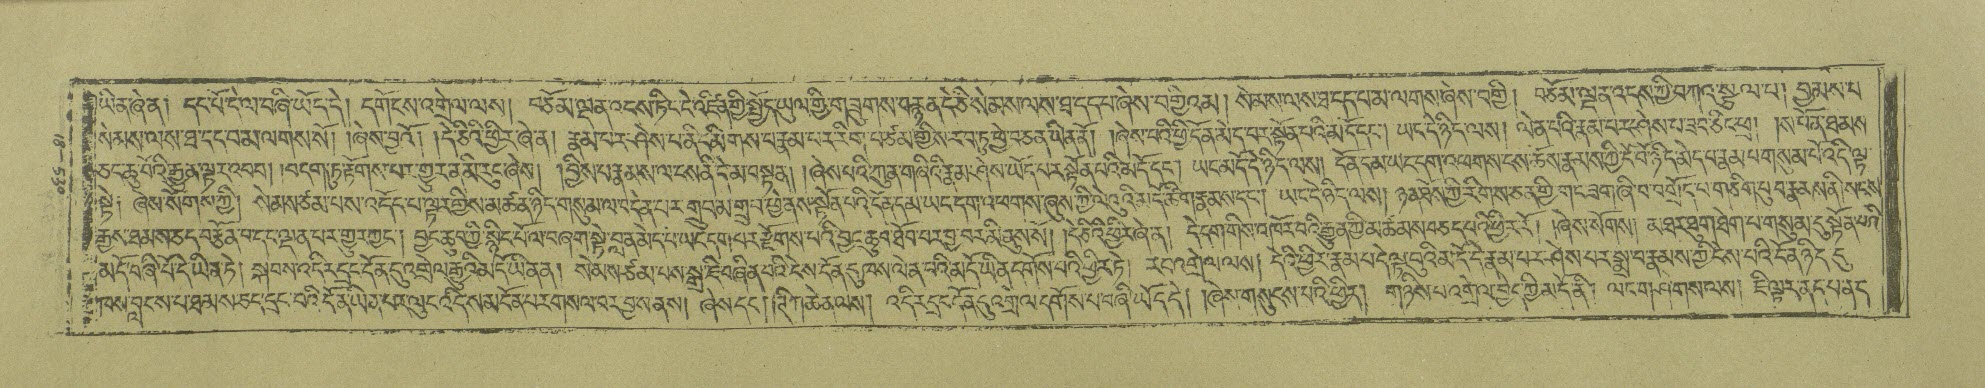ཡིན་ཞེ་ན། དང་པོ་དེ་ལ་བཞི་ཡོད་དེ། དགོངས་འགྲེལ་ལས། བཅོམ་ལྡན་འདས་ཏིང་ངེ་འཛིན་གྱི་སྤྱོད་ཡུལ་གྱི་གཟུགས་བརྙན་དེ་ཅི་སེམས་ལས་ཐ་དད་པ་ཞེས་བགྱིའམ། སེམས་ལས་ཐ་དད་པ་མ་ལགས་ཞེས་བགྱི། བཅོམ་ལྡན་འདས་ཀྱི་བཀའ་སྩལ་པ། བྱམས་པའི་
སེམས་ལས་ཐ་དད་པ་མ་ལགས་སོ། །ཞེས་བྱའོ། །དེ་ཅིའི་ཕྱིར་ཞེ་ན། རྣམ་པར་ཤེས་པ་ནི་དམིགས་པ་རྣམ་པར་རིགས་པ་ཙམ་གྱི་རབ་ཏུ་ཕྱེ་བ་ཅན་ཡིན་ནོ། །ཞེས་པའི་ཕྱི་དོན་མེད་པར་སྟོན་པའི་མདོ་དང་། ཡང་དེ་ཉིད་ལས། ལེན་པའི་རྣམ་པར་ཤེས་པ་ཟབ་ཅིང་ཕྲ། །ས་བོན་ཐམས་
ཅད་ཆུ་བོའི་རྒྱུན་ལྟར་འབབ། །བདག་ཏུ་རྟོགས་པར་གྱུར་ན་མི་རུང་ཞེས། །བྱིས་པ་རྣམས་ལ་ངས་ནི་དེ་མ་བསྟན། །ཞེས་པའི་ཀུན་གཞིའི་རྣམ་ཤེས་ཡོད་པར་སྟོན་པའི་མདོ་དང་། ཡང་མདོ་དེ་ཉིད་ལས། དོན་དམ་ཡང་དག་འཕགས་ངས་ཆོས་རྣམས་ཀྱི་ངོ་བོ་ཉིད་མེད་པ་རྣམ་པ་གསུམ་པོ་འདི་ལྟ་
སྟེ། ཞེས་སོགས་ཀྱི། སེམས་ཙམ་པས་འདོད་པ་ལྟར་གྱིས་མཚན་ཉིད་གསུམ་ལ་བདེན་པར་གྲུབ་མ་གྲུབ་ཕྱེ་ནས་སྟོན་པའི་དོན་དམ་ཡང་དག་འཕགས་ཞུས་ཀྱི་ལེའུའི་མདོ་ཚིག་རྣམས་དང་། ཡང་དེ་ཉིད་ལས། ཉན་ཐོས་ཀྱི་རིགས་ཅན་གྱི་གང་ཟག་ཞི་བ་བགྲོད་པ་གཅིག་པུ་བ་རྣམས་ནི། སངས་
རྒྱས་ཐམས་ཅད་བརྩོན་པ་དང་ལྡན་པར་གྱུར་ཀྱང་། བྱང་ཆུབ་ཀྱི་སྙིང་པོ་ལ་བཞག་སྟེ་བླ་ན་མེད་པ་ཡང་དག་པར་རྫོགས་པའི་བྱང་ཆུབ་ཐོབ་པར་བྱ་བ་མི་ནུས་སོ། །དེ་ཅིའི་ཕྱིར་ཞེ་ན། དེ་དག་གིས་འཁོར་བའི་རྒྱུན་ཀྱི་མཚམས་བཅད་པའི་ཕྱིར་རོ། །ཞེས་སོགས། མཐར་ཐུག་ཐེག་པ་གསུམ་དུ་སྟོན་པའི་
མདོ་བཞི་པོ་དེ་ཡིན་ཏེ། སྐབས་འདིར་དང་དོན་དུ་འགྲེལ་རྒྱུའི་མདོ་ཡིན་ན། སེམས་ཙམ་པས་སྒྲ་ཇི་བཞིན་པའི་ངེས་དོན་དུ་ཁས་ལེན་པའི་མདོ་ཡིན་དགོས་པའི་ཕྱིར་ཏེ། རང་འགྲེལ་ལས། དེའི་ཕྱིར་རྣམ་པ་དེ་ལྟ་བུའི་མདོ་དེ་རྣམ་པར་ཤེས་པར་སྨྲ་བ་རྣམས་ཀྱི་ངེས་པའི་དོན་ཉིད་དུ་
ཁས་བླངས་པ་ཐམས་ཅད་དང་བའི་དོན་ཡིན་པར་ལུང་འདི་མངོན་པར་གསལ་བར་བྱས་ནས། ཞེས་དང་། ཊིཀ་ཆེན་ལས། འདིར་དྲང་དོན་དུ་འགྲེལ་དགོས་པ་བཞི་ཡོད་དོ། །ཞེས་གསུངས་པའི་ཕྱིར། གཉིས་པ་འགྲེལ་བྱེད་ཀྱི་མདོ་ནི། ལང་གཤེགས་ལས། ཇི་ལྟར་ནད་པ་ནད་